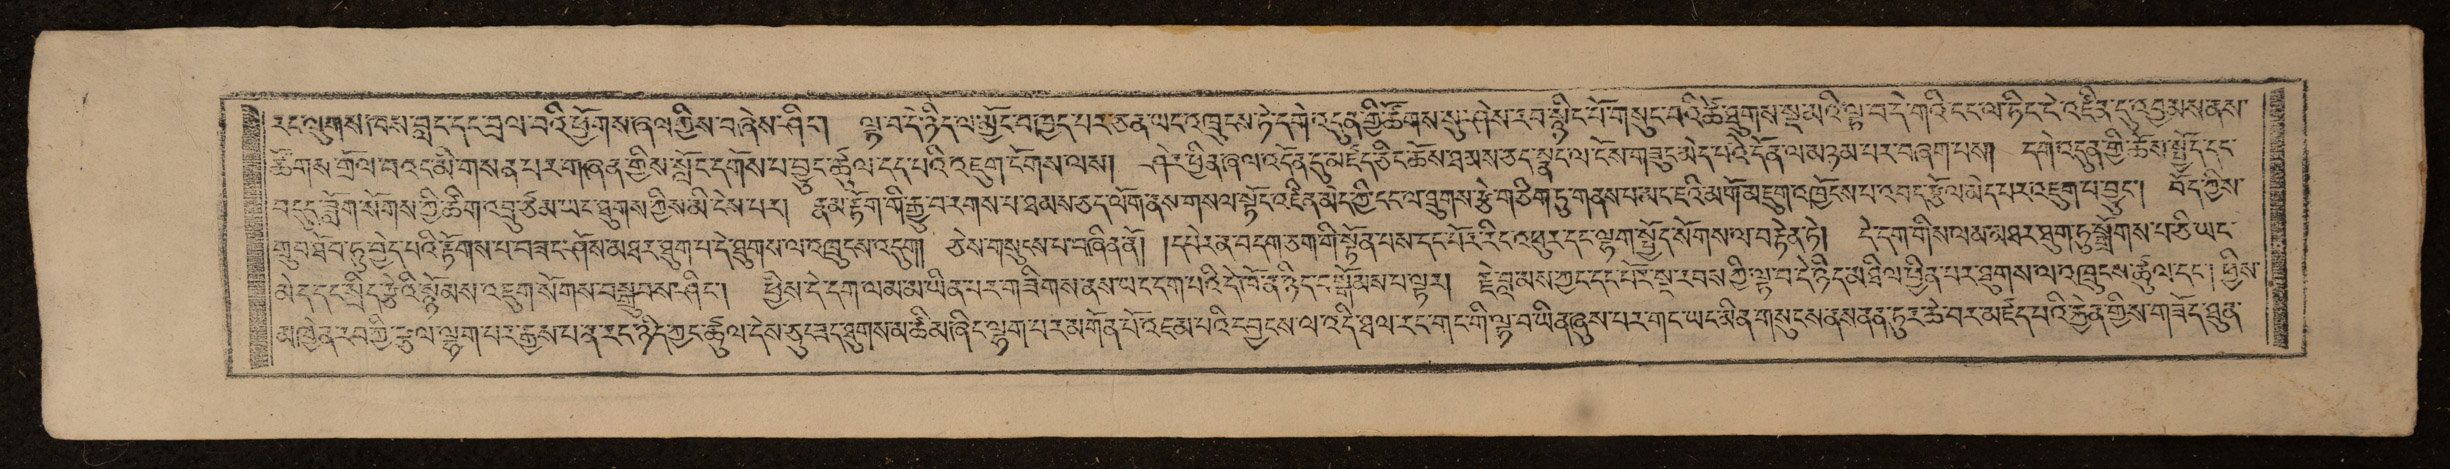རང་ལུགས་ཁས་བླང་དང་བྲལ་བའི་ཕྱོགས་ཞལ་གྱིས་བཞེས་ཤིང་། ལྟ་བ་དེ་ཉིད་ལ་མྱོང་བ་ཁྱད་པར་ཅན་ཡང་འཁྲུངས་ཏེ་དགེ་འདུན་གྱི་ཚོགས་སུ་ཤེས་རབ་སྙིང་པོ་གསུང་བའི་ཚེ་ཐུགས་སྔ་མའི་ལྟ་བ་དེ་གའི་ངང་ལ་ཏིང་ངེ་འཛིན་དུ་འབྱམས་ནས་
ཚོགས་གྲོལ་པའང་མི་གསན་པར་གཞན་གྱིས་སློང་དགོས་པ་བྱུང་ཚུལ་དད་པའི་འཇུག་ངོགས་ལས། ཤེར་ཕྱིན་ཞལ་འདོན་དུ་མཛད་ཅིང་ཆོས་ཐམས་ཅད་སྣང་ལ་དོས་གཟུང་མེད་པའི་དོན་ལ་མཉམ་པར་བཞགས། དགེ་འདུན་གྱི་ཆོས་སྤྱོད་དང་
བདུད་ཟློག་སོགས་ཀྱི་ཚིག་འཕྲུ་ཙམ་ཡང་ཐུགས་ཀྱིས་མི་ངེས་པར། རྣམ་རྟོག་གི་རྒྱུ་བ་རགས་པ་ཐམས་ཅད་ཡོད་ནས་གསྡལ་སྟོང་འཛིན་མེད་ཀྱི་ངང་ལ་ཐུགས་རྩེ་གཅིག་ཏུ་གནས་པ་མང་ཇའི་མགོ་མཇུག་འཁྱོངས་པ་འབད་རྩོལ་མེད་པར་འཇུག་པ་བྱུང་། བོད་ཀྱིས་
གྲུབ་ཐོབ་ཏུ་བྱེད་པའི་རྟོགས་པ་བཟང་ཤོས་མཐར་ཐུག་པ་དེ་ཐུགས་ལ་འཁྲུངས་འདུག། ཅེས་གསུངས་པ་བཞིན་ནོ། །དཔེར་ན་བདག་ཅག་གི་སྟོན་པས་དང་པོར་རིང་འཕུང་དང་ལྷག་སྤྱོད་སོགས་ལ་བརྟེན་ཏེ། དེ་དག་གིས་ལམ་མཐར་ཐུག་ཏུ་སྒྲོགས་པ་ཅི་ཡང་
མེད་དང་སྲིད་རྩེའི་སྙོམས་འཇུག་སོགས་བསྒྲུབས་ཤིང་། ཕྱིས་དེ་དག་ལམ་མ་ཡིན་པར་གཟིགས་ནས་ཡང་དག་པའི་དེ་ཁོ་ན་ཉིད་བསྒོམས་པ་ལྟར། རྗེ་བླ་མས་ཀྱང་དང་པོར་སྔ་རབས་ཀྱི་ལྟ་བ་དེ་ཉིད་མཐིལ་ཕྱིན་པར་ཐུགས་ལ་འཁྲུངས་ཚུལ་དང་། བྱིས་
མཁྱེན་རབ་ཀྱི་རྩ་ལ་ལྷག་པར་རྒྱས་པ་ན་རང་ཉིད་ཀྱང་ཚུལ་དེས་ཅུང་ཟད་ཐུགས་མཚིམ་ཞིང་ལྷག་པར་མགོན་པོ་འཇམ་པའི་དབྱངས་ལ་འདི་ཐལ་རང་གི་ལྟ་བ་ཡིན་ཞུས་པར་གང་ཡང་མིན་གསུངས་ནས་ནན་ཏུར་ཆེ་བར་མཛད་པའི་རྐྱེན་གྱིས་གཟོད་ཐུན་